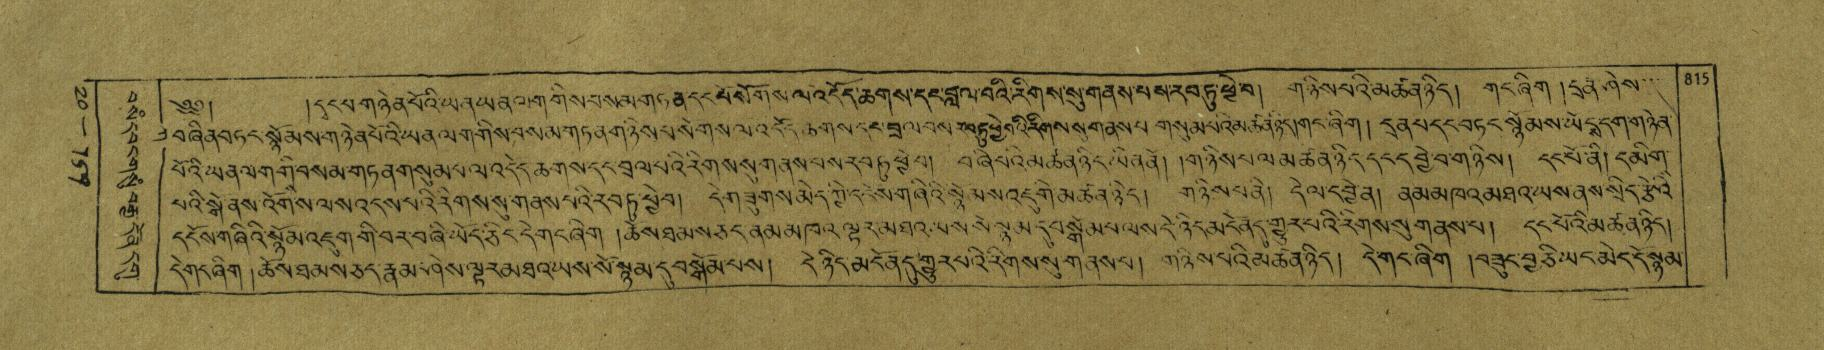༄༅། །དྭང་བ་གཉེན་པོའི་ཡན་ཡན་ལག་གིས་བསམ་གཏན་དང་པོ་སོགས་ལ་འདོད་ཆགས་དང་བླ་བའི་རིགས་སུ་གནས་པས་རབ་ཏུ་ཕྱེ་བ། གཉིས་པའི་མཚན་ཉིད། གང་ཞིག །དྲན་ཤེས་
བཞིན་བཏང་སྙོམས་གཉེན་པོའི་ཡན་ལག་གིས་བསམ་གཏན་གཉིས་པ་སོགས་ལ་འདོད་ཆགས་དང་བྲལ་བས་རབ་ཏུ་ཕྱེ་བའི་རིགས་སུ་གནས་པ་གསུམ་པའི་མཚན་ཉིད། གང་ཞིག །དྲན་པ་དང་བཏང་སྙོམས་ཡོངས་དག་གཉེན་
པོའི་ཡན་ལག་གིས་བསམ་གཏན་གསུམ་པ་ལ་འདོད་ཆགས་དང་བྲལ་པའི་རིགས་སུ་གནས་པས་རབ་ཏུ་ཕྱེ་བ། བཞི་པའི་མཚན་ཉིད་ཡིན་ནོ། །གཉིས་པ་ལ་མཚན་ཉིད་དང་དབྱེ་བ་གཉིས། དང་པོ་ནི། དམིགས་
པའི་སྒོ་ནས་འོག་ས་ལས་འདས་པའི་རིགས་སུ་གནས་པའི་རབ་ཏུ་ཕྱེ་བ། དེ་གཟུགས་མེད་ཀྱི་དངོས་གཞིའི་སྙོམས་འཇུག་མཚན་ཉིད། གཉིས་པ་ནི། དེ་ལ་དབྱེ་ན། ནམ་མཁའ་མཐའ་ཡས་ནས་སྲིད་རྩེའི་
དངོས་གཞིའི་སྙོམ་འཇུག་གི་བར་བཞི་ཡོད་ཅིང་དེ་གང་ཞིག །ཆོས་ཐམས་ཅད་ནམ་མཁའ་ལྟར་མཐའ་ཡས་སོ་སྙམ་དུ་བསྒོམ་པ་ལས་དེ་ཉིད་མངོན་དུ་གྱུར་པའི་རིགས་སུ་གནས་པ། དང་པོའི་མཚན་ཉིད།
དེ་གང་ཞིག །ཆོས་ཐམས་ཅད་རྣམ་ཤེས་ལྟར་མཐའ་ཡས་སོ་སྙམ་དུ་བསྒོམ་པས། དེ་ཉིད་མངོན་དུ་གྱུར་པའི་རིགས་སུ་གནས་པ། གཉིས་པའི་མཚན་ཉིད། དེ་གང་ཞིག །བཟུང་བྱ་ཅི་ཡང་མེད་དོ་སྙམ་